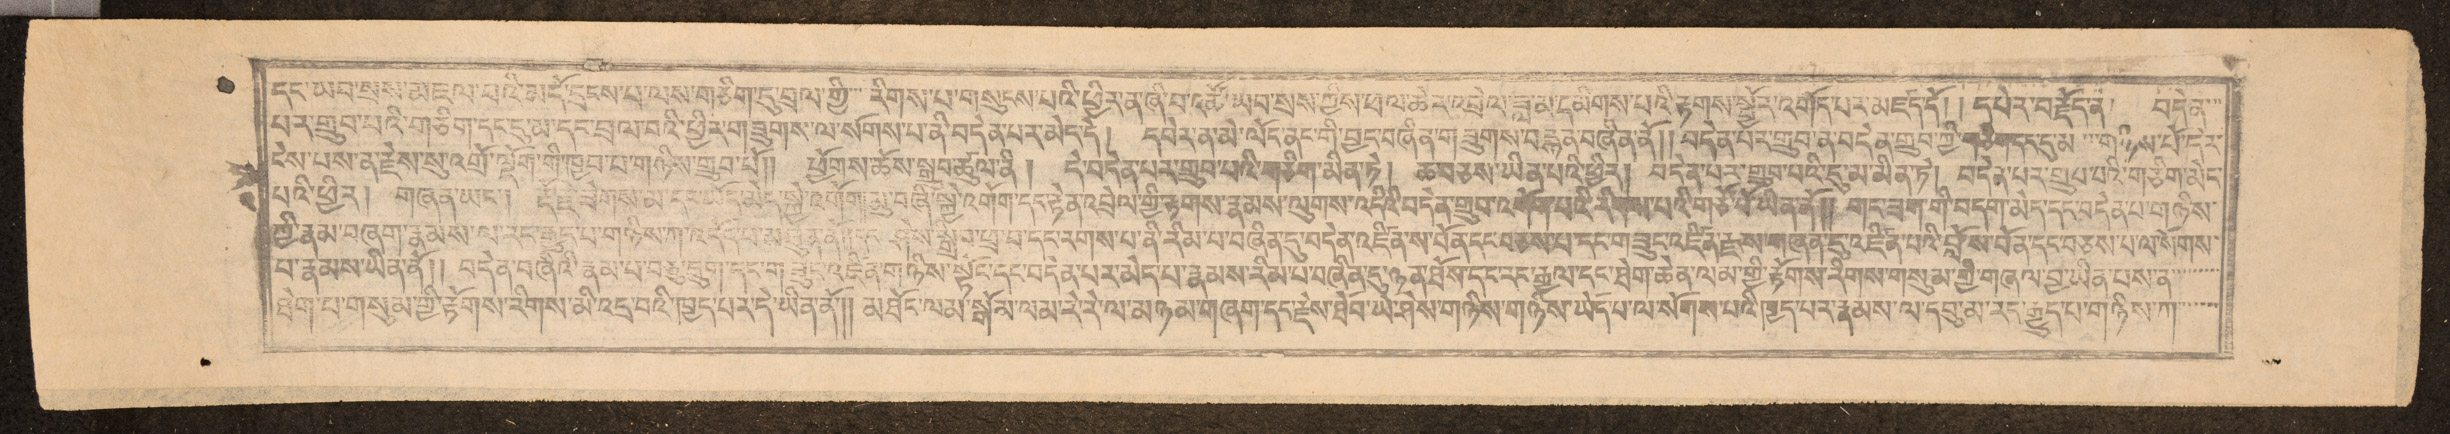དང་ཡབ་སྲས་མཇལ་བའི་མདོ་དྲངས་པ་ལས་གཅིག་དུ་བྲལ་གྱི་རིགས་པ་གསུངས་པའི་ཕྱིར་ན་ཞི་བ་འཚོ་ཡབ་སྲས་ཀྱིས་ཕལ་ཆེར་འབྲེལ་ཟླ་མ་དམིགས་པའི་རྟགས་སྦྱོར་འགོད་པར་མཛད་དོ། །དཔེར་བརྗོད་ན། བདེན་
པར་གྲུབ་པའི་གཅིག་དང་དུ་མ་དང་བྲལ་བའི་ཕྱིར་གཟུགས་ལ་སོགས་པ་ནི་བདེན་པར་མེད་དེ། དབེར་ན་མེ་ལོང་ནང་གི་བྱང་བཞིན་གཟུགས་བརྙན་བཞིན་ནོ། །བདེན་པར་གྲུབ་ན་བདེན་གྲུབ་ཀྱི་གཅིག་དང་དུ་མ་གཉིས་པོ་དེར་
ངེས་པས་ན་རྗེས་སུ་འགྲོ་ལྡོག་གི་ཁྱབ་པ་གཉིས་གྲུབ་པོ།། ཕྱོགས་ཆོས་སྒྲུབ་ཚུལ་ནི། དེ་བདེན་པར་གྲུབ་པའི་གཅིག་མིན་ཏེ། ཆ་བཅས་ཡིན་པའི་ཕྱིར། བདེན་པར་གྲུབ་པའི་དུ་མ་མིན་ཏེ། བདེན་པར་གྲུབ་པའི་གཅིག་མེད་
པའི་ཕྱིར། གཞན་ཡང་། རྡོ་རྗེ་ཟེགས་མ་དང་ཡོད་མེད་སྐྱེ་འགོག༑ མུ་བཞི་སྐྱེ་འགོག་དང་རྟེན་འབྲེལ་གྱི་རྟགས་རྣམས་ལུགས་འདིའི་བདེན་གྲུབ་འགོག་པའི་རིགས་པའི་གཙོ་བོ་ཡིན་ནོ།། གང་ཟག་གི་བདག་མེད་དང་བདེན་པ་གཉིས་
ཀྱི་རྣམ་བཞག་རྣམས་ལ་རང་རྒྱུད་པ་གཉིས་ཀ་འདོད་པ་མཐུན་ནོ།། དང་ཤེས་སྒྲིབ་ཕྲ་བ་དང་རགས་པ་ནི་རིམ་པ་བཞིན་དུ་བདེན་འཛིན་ས་བོན་དང་བཅས་པ་དང་གཟུང་འཛིན་རྫས་གཞན་དུ་འཛིན་པའི་བློ་ས་བོན་དང་བཅས་པ་ལ་སོགས་
པ་རྣམས་ཡིན་ནོ།། བདེན་བཞིའི་རྣམ་པ་བཅུ་དྲུག་དང་གཟུང་འཛིན་གཉིས་སྟོང་དང་བདེན་པར་མེད་པ་རྣམས་རིམ་པ་བཞིན་དུ་ཉན་ཐོས་དང་རང་རྒྱལ་དང་ཐེག་ཆེན་ལམ་གྱི་རྟོགས་རིགས་གསུམ་གྱི་གཞལ་བྱ་ཡིན་པས་ན་
ཐེག་པ་གསུམ་གྱི་རྟོགས་རིགས་མི་འདྲ་བའི་ཁྱད་པར་དེ་ཡིན་ནོ།། མཐོང་ལམ་སྒོམ་ལམ་རེ་རེ་ལ་མཉམ་གཞག་དང་རྗེས་ཐོབ་ཡེ་ཤེས་གཉིས་གཉིས་ཡོད་པ་ལ་སོགས་པའི་ཁྱད་པར་རྣམས་ལ་དབུ་མ་རང་རྒྱུད་པ་གཉིས་ཀ་